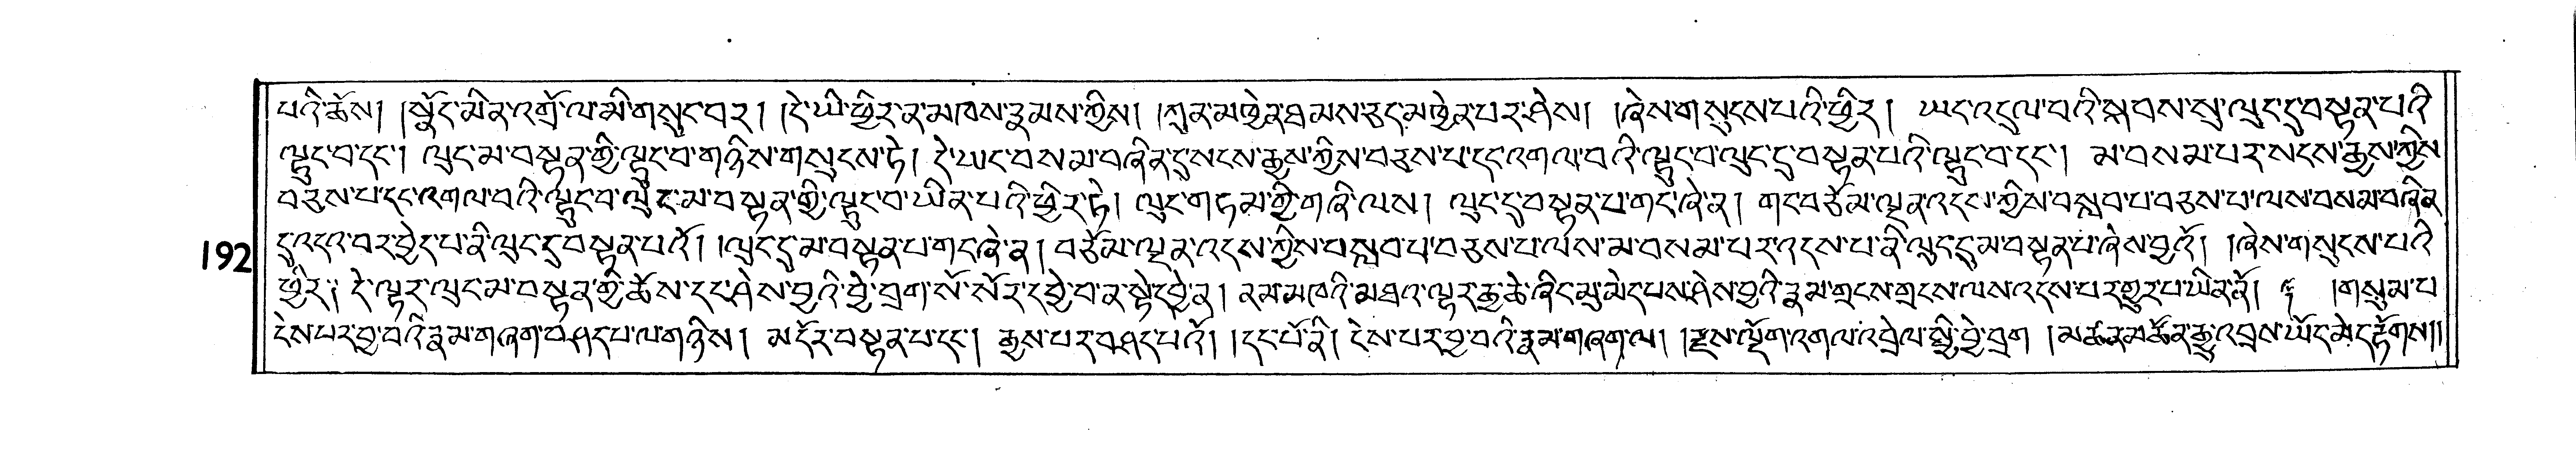པའི་ཆོས། །སྣོད་མིན་འགྲོ་ལ་མི་གསུང་བར། །དེ་ཡི་ཕྱིར་ན་མཁས་རྣམས་ཀྱིས། །ཀུན་མཁྱེན་ཐམས་ཅད་མཁྱེན་པར་ཤེས། །ཞེས་གསུངས་པའི་ཕྱིར། ཡང་འདུལ་བའི་སྐབས་སུ་ལུང་དུ་བསྟན་པའི་
ལྟུང་བ་དང་། ལུང་མ་བསྟན་གྱི་ལྟུང་བ་གཉིས་གསུངས་ཏེ། དེ་ཡང་བསམ་བཞིན་དུ་སངས་རྒྱས་ཀྱིས་བཅས་པ་དང་འགལ་བའི་ལྟུང་བ་ལུང་དུ་བསྟན་པའི་ལྟུང་བ་དང་། མ་བསམ་པར་སངས་རྒྱས་ཀྱིས་
བཅས་པ་དང་འགལ་བའི་ལྟུང་བ་ལུང་མ་བསྟན་གྱི་ལྟུང་བ་ཡིན་པའི་ཕྱིར་ཏེ། ལུང་གཏམ་གྱི་གཞི་ལས། ལུང་དུ་བསྟན་པ་གང་ཞེ་ན། གང་བཅོམ་ལྡན་འདས་ཀྱིས་བསླབ་པ་བཅས་པ་ལས་བསམ་བཞིན་
དུ་འདའ་བར་བྱེད་པ་ནི་ལུང་དུ་བསྟན་པའོ། །ལུང་དུ་མ་བསྟན་པ་གང་ཞེ་ན། བཅོམ་ལྡན་འདས་ཀྱིས་བསླབ་པ་བཅས་པ་ལས་མ་བསམ་པར་འདས་པ་ནི་ལུང་དུ་མ་བསྟན་པ་ཞེས་བྱའོ། །ཞེས་གསུངས་པའི་
ཕྱིར༑ དེ་ལྟར་ལུང་མ་བསྟན་གྱི་ཆོས་དང་ཤེས་བྱའི་བྱེ་བྲག་སོ་སོར་དབྱེ་བ་ན་སྟེ་དབྱེ་ན། ནམ་མཁའི་མཐའ་ལྟར་རྒྱ་ཆེ་ཞིང་མུ་མེད་པས་ཤེས་བྱའི་རྣམ་གྲངས་གྲངས་ལས་འདས་པར་གྱུར་པ་ཡིན་ནོ། ༈ །གསུམ་པ་
ངེས་པར་བྱ་བའི་རྣམ་གཞག་བཤད་པ་ལ་གཉིས། མདོར་བསྟན་པ་དང་། རྒྱས་པར་བཤད་པའོ། །དང་པོ་ནི། ངེས་པར་བྱ་བའི་རྣམ་གཞག་ལ། །རྫས་ལྡོག་འགལ་འབྲེལ་སྤྱི་བྱེ་བྲག །མཚན་མཚོན་རྒྱུ་འབྲས་ཡོད་མེད་རྟོགས།།